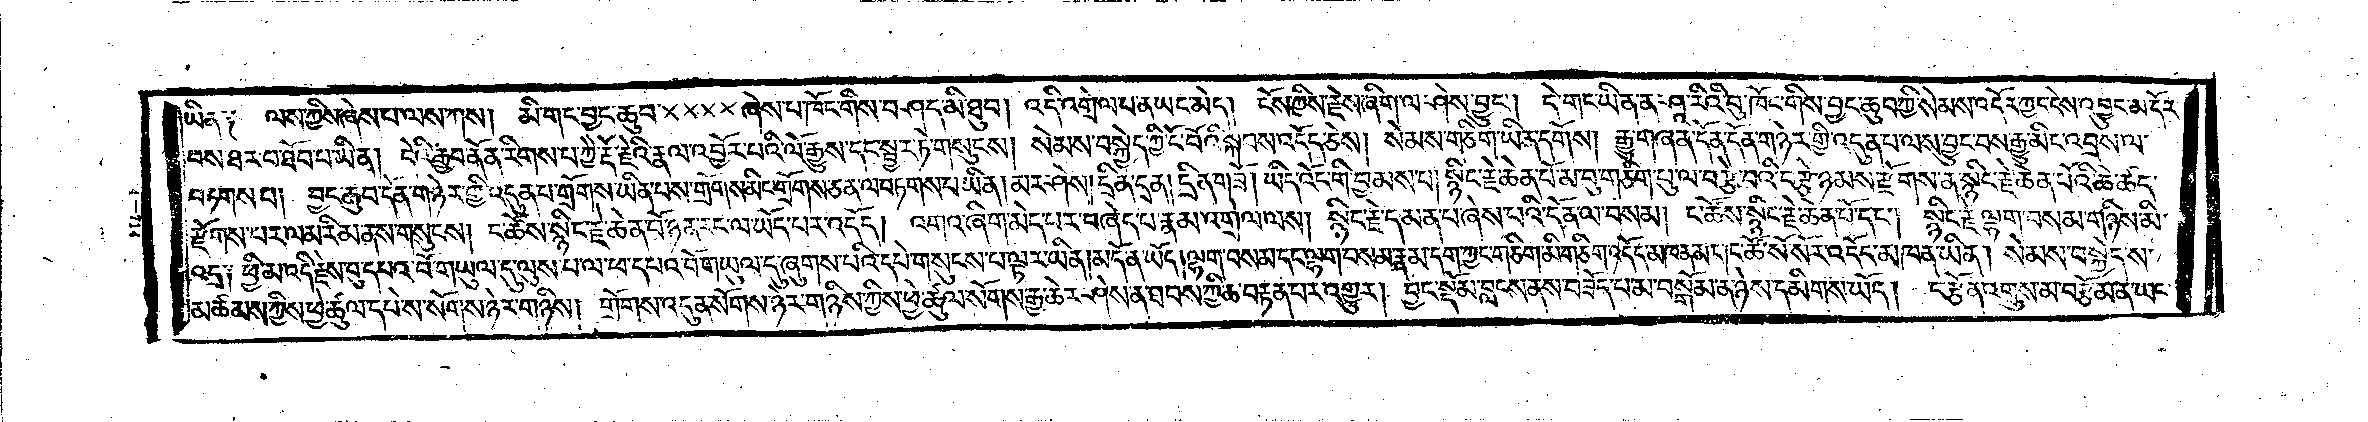ཡིན༑ ལས་ཀྱིས་ཞེས་པ་ལས་ཀས། མི་གང་བྱང་ཆུབ་྾་྾་྾་྾་ཞེས་པ་ཁོང་གིས་བཤད་མི་ཐུབ། འདི་འགྲེལ་པ་ན་ཡང་མེད། ངོས་ཀྱིས་རྗེས་ཞིག་ལ་ཤེས་བྱུང་། དེ་གང་ཡིན་ན་ཤཱ་རིའི་བུ་ཁོང་གིས་བྱང་ཆུབ་ཀྱི་སེམས་འདོར་ཀྱང་ངེས་འབྱུང་མདོར་
བས་ཐར་བ་ཐོབ་པ་ཡིན། དེའི་རྒྱབ་ནོན་རིགས་པ་ཀྱཻ་རྡོ་རྗེའི་རྣལ་འབྱོར་པའི་ལོ་རྒྱུས་དང་སྦྱར་ཏེ་གསུངས། སེམས་བསྐྱེད་ཀྱི་ངོ་བོའི་སྐབས་འདོད་ཅེས། སེམས་གཅིག་ཡིན་དགོས། རྒྱུ་གཞན་དོན་དོན་གཉེར་གྱི་འདུན་པ་ལས་བྱུང་བས་རྒྱུ་མིང་འབྲས་ལ་
བཏགས་བ། བྱང་ཆུབ་དོན་གཉེར་གྱི་འདུན་པ་གྲོགས་ཡིན་པས་གྲོགས་མིང་གྲོགས་ཅན་ལ་བཏགས་པ་ཡིན། མར་ཤེས། དྲིན་དྲན། དྲིན་གཟོ། ཡིད་འོང་གི་བྱམས་པ། སྙིང་རྗེ་ཆེན་པོ་མ་བུ་གཅིག་པུ་ལ་བརྩེ་བའི་བརྩེ་ཉམས་རྫོགས་ན་སྙིང་རྗེ་ཆེན་པོའི་ཆ་ཚད་
རྫོགས་པར་ལམ་རིམ་ནས་གསུངས། ང་ཚོས་སྙིང་རྗེ་ཆེན་པོ་ཉན་རང་ལ་ཡོད་པར་འདོད། འགའ་ཞིག་མེད་པར་བཞེད་པ་རྣམ་འགྲེལ་ལས། སྙིང་རྗེ་དམན་པ་ཞེས་པའི་དོན་ལ་བསམ། ང་ཚོས་སྙིང་རྗེ་ཆེན་པོ་དང་། སྙིང་རྗེ་ལྷག་བསམ་གཉིས་མི་
འདྲ༑ ཕྱི་མ་འདི་རྗེས་བུ་དཔའ་བོ་གཡུལ་དུ་ལུས་པ་ལ་ཕ་དཔའ་བོ་གཡུལ་དུ་ཞུགས་པའི་དཔེ་གསུངས་པ་ལྟར་ཡིན། མདོ་ན་ཡོད། ལྷག་བསམ་དང་ལྷག་བསམ་རྣམ་དག་ཀྱང་གཅིག་མི་གཅིག་འདོད་མཁན་མང་།ང་ཚོ་སོ་སོར་འདོད་མཁན་ཡིན། སེམས་བསྐྱེད་ས་
མཚམས་ཀྱིས་ཕྱེ་ཚུལ་དཔེ་ས་སོགས་ཉེར་གཉིས། གྲོགས་འདུན་སོགས་ཉེར་གཉིས་ཀྱིས་ཕྱེ་ཚུལ་སོགས་རྒྱ་ཆེར་ཤེས་ན་ཐབས་ཀྱི་ཆ་བརྟན་པར་འགྱུར། བྱང་སྡོམ་བླངས་ནས་བཟོད་པ་མ་བསྒོམ་ན་ཉེས་དམིགས་ཡོད། བརྩོན་འགྲུས་མ་བརྩོམ་ན་ཡང་